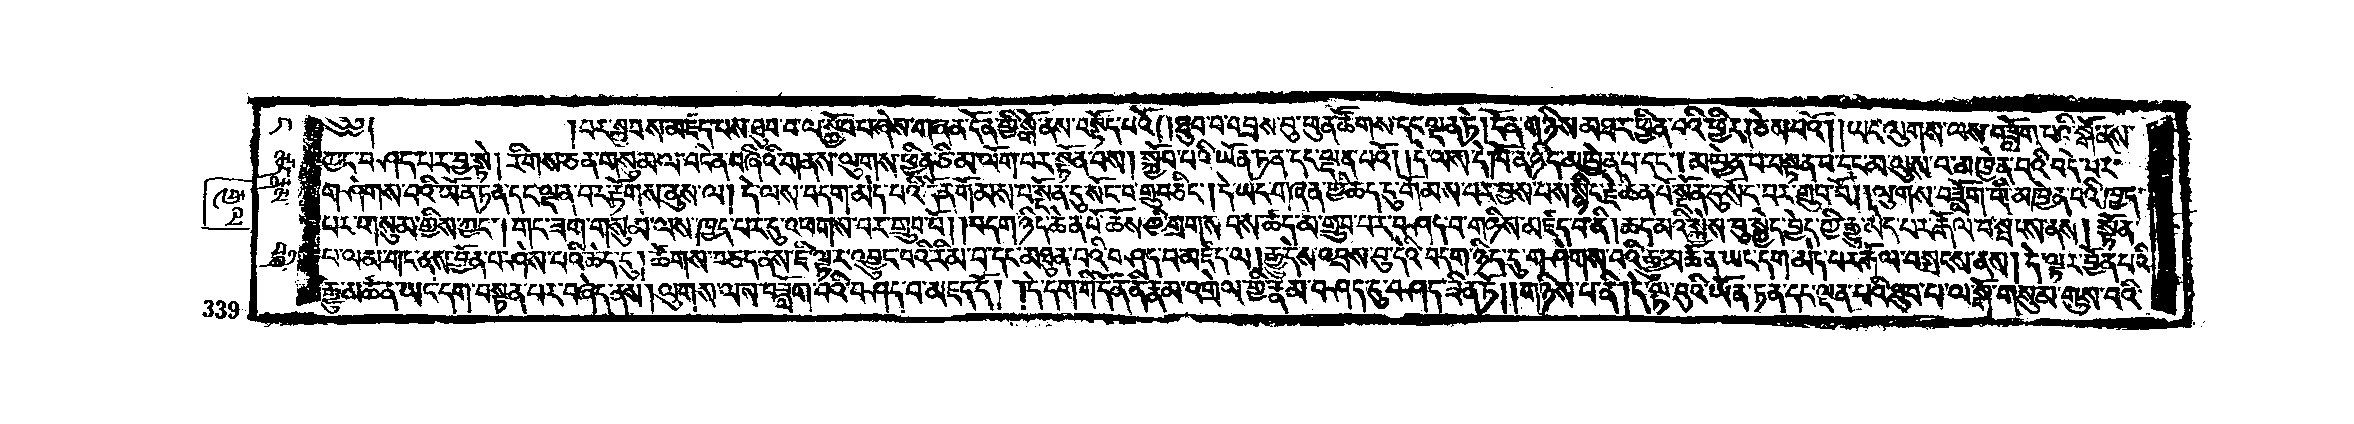༄༅། །པར་སྐྱབས་མཛད་པས་ཐུབ་པ་ལ་སྐྱོབ་པ་ཞེས་གཞན་དོན་གྱི་སྒོ་ནས་བསྟོད་པའོ། །ཐུབ་པ་འབྲས་བུ་ཕུན་ཚོགས་དང་ལྡན་ཏེ། དོན་གཉིས་མཐར་ཕྱིན་པའི་ཕྱིར། ཅེས་པའོ། །ཡང་ལུགས་ལས་བཟློག་པའི་སྒོ་ནས་
ཀྱང་བཤད་པར་བྱ་སྟེ། རིགས་ཅན་གསུམ་ལ་བདེན་བཞིའི་གནས་ལུགས་ཕྱིན་ཅི་མ་ལོག་པར་སྟོན་པས། སྐྱོབ་པའི་ཡོན་ཏན་དང་ལྡན་པ་འོ། །དེ་ལས་དེ་ཁོ་ན་ཉིད་མཁྱེན་པ་དང་། མཁྱེན་པ་བསྟན་པ་དང་མ་ལུས་པ་མཁྱེན་པའི་བདེ་བར་
གཤེགས་པའི་ཡོན་ཏན་དང་ལྡན་པར་རྟོགས་ནུས་ལ། དེ་ལས་བདག་མེད་པའི་དོན་གོམས་པ་སྔོན་དུ་སོང་བ་གྲུབ་ཅིང་། དེ་ཡང་གཞན་གྱི་ཆད་དུ་གོམས་པར་བྱས་པས་སྙིང་རྗེ་ཆེན་པོ་སྔོན་དུ་སོང་བར་གྲུབ་བོ། །ལུགས་བཟློག་གི་མཁྱེན་པའི་ཁྱད་
པར་གསུམ་གྱིས་ཀྱང་། གང་ཟག་གསུམ་ལས་ཁྱད་པར་དུ་འཕགས་པར་གྲུབ་པོ། །བདག་ཉིད་ཆེན་པོ་ཆོས་ཀྱི་གྲགས་བས་ཚད་མ་གྲུབ་པར་བཤད་པ་གཉིས་མཛད་པ་ནི། ཚད་མའི་སྐྱེས་བུ་སྐྱེད་བྱེད་ཀྱི་རྒྱུ་མེད་པར་རྒོལ་བ་སྤངས་ནས། སྟོན་
པ་ལམ་གང་ནས་བྱོན་པ་ཤེས་པའི་ཆེད་དུ། ཚོགས་བཅད་ནས་ཇི་ལྟར་འབྱུང་བའི་རིམ་པ་དང་མཐུན་པའི་བཤད་པ་མཛད་ལ། རྒྱུ་དེས་འབྲས་བུ་དེའི་བདག་ཉིད་དུ་གཤེགས་པའི་རྒྱུ་མཚན་ཡང་དག་མེད་པར་རྒོལ་བ་སྤངས་ནས། དེ་ལྟར་བྱོན་པའི་
རྒྱུ་མཚན་ཡང་དག་བསྟན་པར་བཞེད་ནས། ལུགས་ལས་བཟློག་པའི་བཤད་པ་མཛད་དོ། །དེ་དག་གི་དོན་ནི་རྣམ་འགྲེལ་གྱི་རྣམ་བཤད་དུ་བཤད་ཟིན་ཏོ། །གཉིས་པ་ནི། དེ་ལྟ་བུའི་ཡོན་ཏན་དང་ལྡན་པ་འི་ཐུབ་པ་ལ་སྒོ་གསུམ་གུས་པའི་